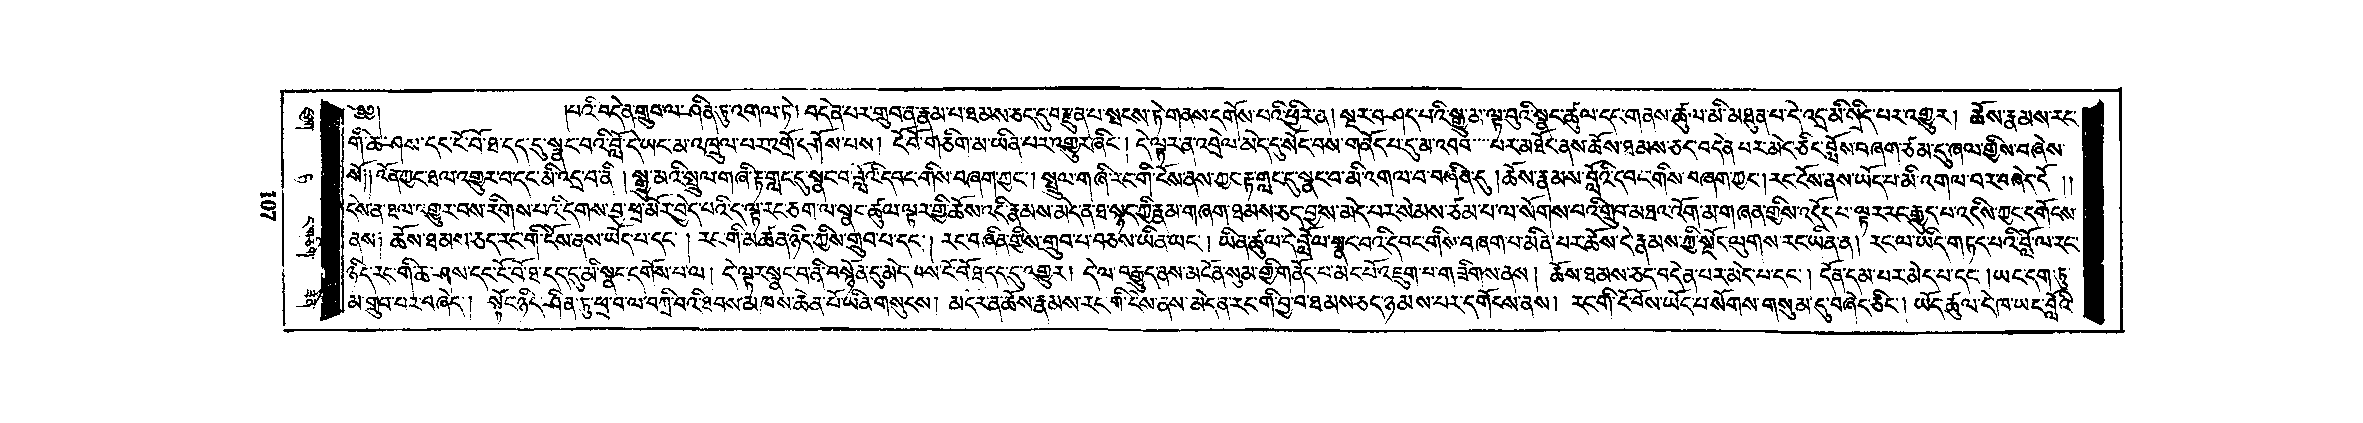༄༅། །པའི་བདེན་གྲུབ་ལ་ཤིན་ཏུ་འགལ་ཏེ། བདེན་པར་གྲུབ་ན་རྣམ་པ་ཐམས་ཅད་དུ་བརྫུན་པ་སྤངས་ཏེ་གནས་དགོས་པའི་ཕྱིར་ན། སྔར་བཤད་པའི་སྒྱུ་མ་ལྟ་བུའི་སྣང་ཚུལ་དང་གནས་ཚུལ་མི་མཐུན་པ་དེ་འདྲ་མི་སྲིད་པར་འགྱུར། ཆོས་རྣམས་རང་
གི་ཆ་ཤས་དང་ངོ་བོ་ཐ་དད་དུ་སྣང་བའི་བློ་དེ་ཡང་མ་འཁྲུལ་པར་འགྲོ་དགོས་པས། ངོ་བོ་གཅིག་མ་ཡིན་པར་འགྱུར་ཞིང་། དེ་ལྟར་ན་འབྲེལ་མེད་དུ་སོང་བས་གནོད་པ་དུ་མ་འབབ་པར་མཐོང་ནས་ཆོས་ཐམས་ཅད་བདེན་པར་མེད་ཅིང་བློས་བཞག་ཙམ་དུ་ཞལ་གྱིས་བཞེས་
སོ། །འོན་ཀྱང་ཐལ་འགྱུར་བ་དང་མི་འདྲ་བ་ནི། སྒྱུ་མའི་སྤྲུལ་གཞི་རྟ་གླང་དུ་སྣང་བ་བློའི་དབང་གིས་བཞག་ཀྱང་། སྤྲུལ་གཞི་རང་གི་ངོས་ནས་ཀྱང་རྟ་གླང་དུ་སྣང་བ་མི་འགལ་བ་བཞིན་དུ། ཆོས་རྣམས་བློའི་དབང་གིས་བཞག་ཀྱང་། རང་ངོས་ནས་ཡོད་པ་མི་འགལ་བར་བཞེད་དོ། །
དེས་ན་ཐལ་འགྱུར་བས་རིགས་པའི་དགས་བྱ་ཕྲ་མོར་བྱེད་པའི་ད་ལྟ་རང་ཅག་ལ་སྣང་ཚུལ་ལྟར་གྱི་ཆོས་འདི་རྣམས་མེད་ན་ཐ་སྙད་ཀྱི་རྣམ་གཞག་ཐམས་ཅད་བྱ་ས་མེད་པར་སེམས་ཙམ་པ་ལ་སོགས་པའི་གྲུབ་མཐའ་འོག་མ་གཞན་གྱིས་འདོད་པ་ལྟར་རང་རྒྱུད་པ་འདིས་ཀྱང་དགོངས་
ནས། ཆོས་ཐམས་ཅད་རང་གི་ངོས་ནས་ཡོད་པ་དང་། རང་གི་མཚན་ཉིད་ཀྱིས་གྲུབ་པ་དང་། རང་བཞིན་གྱིས་གྲུབ་པ་བཅས་ཡིན་ཡང་། ཡིན་ཚུལ་དེ་བློ་ལ་སྣང་བའི་དབང་གིས་བཞག་པ་མིན་པར་ཆོས་དེ་རྣམས་ཀྱི་སྡོད་ལུགས་རང་ཡིན་ན། རང་ལ་ཡིད་གཏད་པའི་བློ་ལ་རང་
ཉིད་རང་གི་ཆ་ཤས་དང་ངོ་བོ་ཐ་དད་དུ་མི་སྣང་དགོས་པ་ལ། དེ་ལྟར་སྣང་བ་ནི་བསྙོན་དུ་མེད་པས་ངོ་བོ་ཐ་དད་དུ་འགྱུར། དེ་ལ་བརྒྱུད་ནས་མངོན་སུམ་གྱི་གནོད་པ་མང་པོ་འཇུག་པ་གཟིགས་ནས། ཆོས་ཐམས་ཅད་བདེན་པར་མེད་པ་དང་། དོན་དམ་པར་མེད་པ་དང་། ཡང་དག་ཏུ་
མ་གྲུབ་པར་བཞེད། སྟོང་ཉིད་ཤིན་ཏུ་ཕྲ་བ་ལ་བཀྲི་བའི་ཐབས་མཁས་ཆེན་པོ་ཡིན་གསུངས། མདོར་ན་ཆོས་རྣམས་རང་གི་ངེས་ནས་མེད་ན་རང་གི་བྱ་བ་ཐམས་ཅད་ཉམས་པར་དགོངས་ནས། རང་གི་ངོ་བོས་ཡོད་པ་སོགས་གསུམ་དུ་བཞེད་ཅིང་། ཡོད་ཚུལ་དེ་ཁ་ཡང་བློའི་